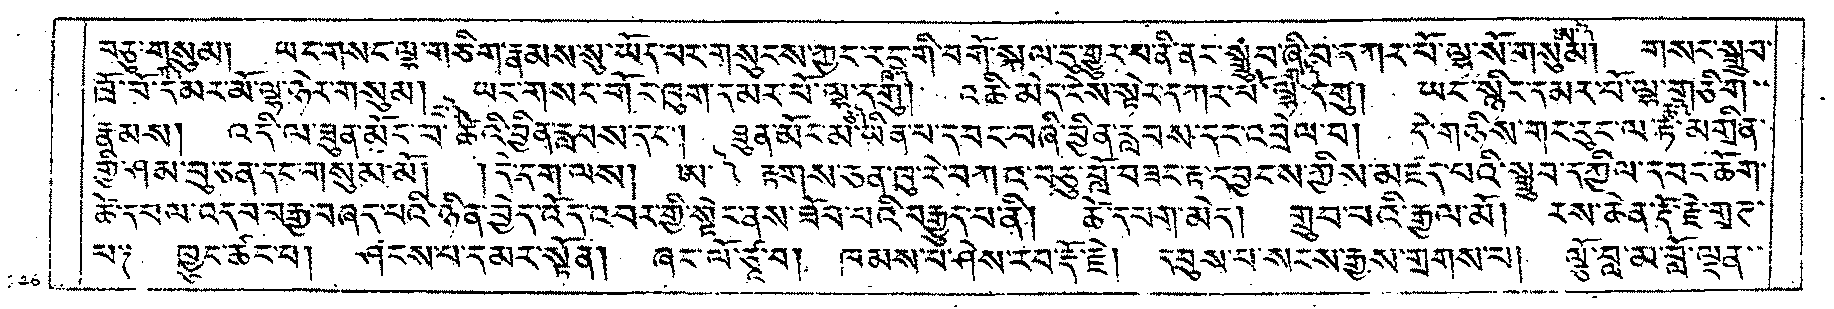བཅུ་གསུམ། ཡང་གསང་ལྷ་གཅིག་རྣམས་སུ་ཡོད་པར་གསུངས་ཀྱང་རང་གི་བགོ་སྐལ་དུ་གྱུར་པ་ནི་ནང་སྒྲུབ་ཞི་བ་དཀར་པོ་ལྷ་སོ་གསུམ་ཨ྄། གསང་སྒྲུབ་
ཁྲོ་བོ་ཀ྄་དམར་མོ་ལྷ་ཉེར་གསུམ། ཡང་གསང་གོང་ཁུག་དམར་པོ་ལྷ་དགུ་ཁ྄། འཆི་མེད་ངེས་སྟེར་དཀར་པོ་ལྷ་ག྄་དགུ། ཡང་སྙིང་དམར་པོ་ལྷ་གཅིག་
རྣམས། འདི་ལ་ཐུན་མོང་བ་ང྄་ཚེའི་བྱིན་རླབས་དང་། ཐུན་མོང་མ་ཅ྄་ཡིན་པ་དབང་བཞི་བྱིན་རླབས་དང་འབྲེལ་བ། དེ་གཉིས་གང་རུང་ལ་རྟ་ཆ྄་མགྲིན་
གྱི་ཤམ་བུ་ཅན་དང་གསུམ་མོ། །དེ་དག་ལས། ཨ྄་རྟགས་ཅན་ཁུ་རེ་བཀའ་བཅུ་བློ་བཟང་རྟ་དབྱངས་ཀྱིས་མཛད་པའི་སྒྲུབ་དཀྱིལ་དབང་ཆོག་
ཚེ་དཔལ་འདབ་བརྒྱ་བཞད་པའི་ཉིན་བྱེད་འོད་འབར་གྱི་སྟེང་ནས་ཐོབ་པའི་བརྒྱུད་པ་ནི། ཚེ་དཔག་མེད། གྲུབ་པའི་རྒྱལ་མོ། རས་ཆེན་རྡོ་རྗེ་གྲགས་
པ༑ ཁྱུང་ཚང་བ། ཤངས་པ་དམར་སྟོན། ཞང་ལོ་ཙཱ་བ། ཁམས་པ་ཤེས་རབ་རྡོ་རྗེ། དབུས་པ་སངས་རྒྱས་གྲགས་པ། ལྕོ་བླ་མ་བློ་ལྡན་